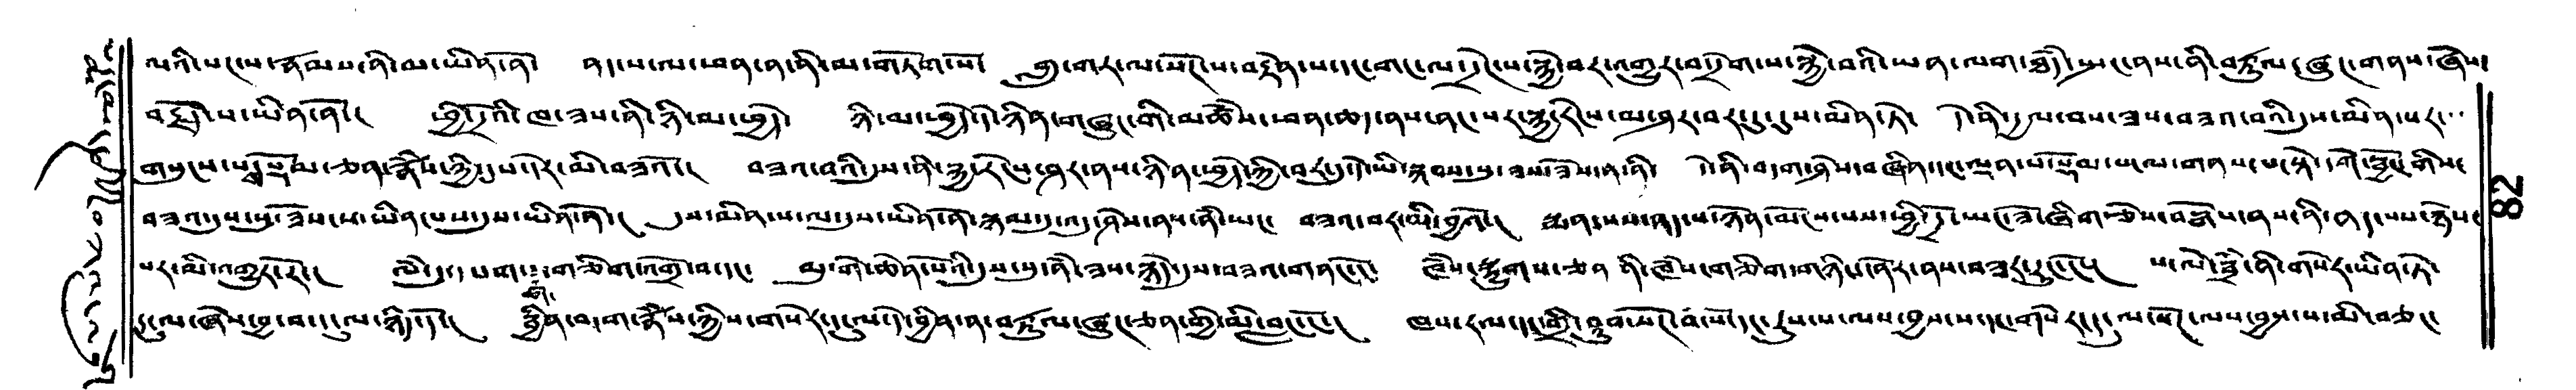ལའི་པགས་པ་རྣམས་ནི་མ་ཡིན་ནོ། ནད་ལ་ཕན་ན་ནི་མ་གཏོགས་སོ། གླུ་གར་ལ་སོགས་པ་སྟེན་པ་དང་གང་ལ་དྲེགས་པ་སྐྱེ་བར་འགྱུར་བས་དྲེགས་པ་སྐྱེ་བའི་ཡན་ལག་ཐམས་ཅད་སྤངས་ནས་ནི་བརྟུལ་ཞུགས་ལ་གནས་ཞེས་
བརྗོད་པ་ཡིན་ནོ། ཕྱི་དྲོའི་ཁ་ཟས་ནི་ཉི་མ་ཕྱེད་དེ་ཉིན་གཞུང་གི་མཚམས་ཕན་ཆད་ནས་ནང་པར་སྐྱ་རེངས་མ་ཤར་བར་དུ་དུས་མིན་ཏེ། དེ་ནི་རྒྱལ་བས་ཟས་བཟའ་བའི་དུས་མིན་པར་
གསུངས་པས་སྡོམ་ལྡན་རྣམས་ཀྱི་དུས་དེར་མི་བཟའོ། བཟའ་བའི་དུས་ནི་སྐྱ་རེངས་ཤར་ནས་ཉིན་ཕྱེད་ཀྱི་བར་དུའོ། དེ་ཡི་སྐབས་སུ་ཟས་ཟོས་ན་ནི། དེ་ནི་བདག་ཤེས་བཞིན་དང་ལྡན་པ་སྡོམ་པ་ལ་གནས་པ་སྟེ་དགེ་སྦྱོང་གིས་
བཟའ་དུས་སུ་ཟོས་པ་ཡིན་པས་དུས་ཡིན་ནོ། དུས་མིན་པ་ལ་དུས་ཡིན་ནོ་སྙམ་དུ་འདུ་ཤེས་ནས་ནམ་ཡང་བཟའ་བར་མི་བྱའོ། སྨན་པས་ནད་པ་ཉོན་མོངས་པས་ཕྱི་དྲོ་ཡང་ཟོ་ཞིག་ཅེས་བསྒོས་ན་ནི་ནད་པས་ཉེས་
པར་མི་འགྱུར་རོ། ལམ་དུ་དཔག་ཚད་གཅིག་འགྲོ་བ་དང་། མུ་གེ་ཆེན་པོའི་དུས་སུ་ནམ་ཟས་སྙེད་དུས་སུ་བཟའ་བར་གནང་ངོ་། ཁམས་སྐྱུགས་ཅན་ནི་ཁམས་གཅིག་གཉིས་ནོར་ནས་བཟར་རུང་ངོ་། ས་ལེ་སྦྲམ་ནི་གསེར་ཡིན་ཏེ། །
དངུལ་ཞེས་བྱ་བ་དངུལ་ཉིད་དོ། སྦྱིན་བདག་རྣམས་ཀྱིས་གསེར་དངུལ་དེ་བྱིན་ན་བརྟུལ་བཞུགས་ཅན་གྱི་མི་བླང་ངོ་། ཁབ་རལ་དང་གྲི་ཤུབས་སོགས་བ་སོ་དང་རུས་པ་ལས་བྱས་པ་དང་གསེར་དངུལ་སོགས་ལས་བྱས་མི་བཅང་།